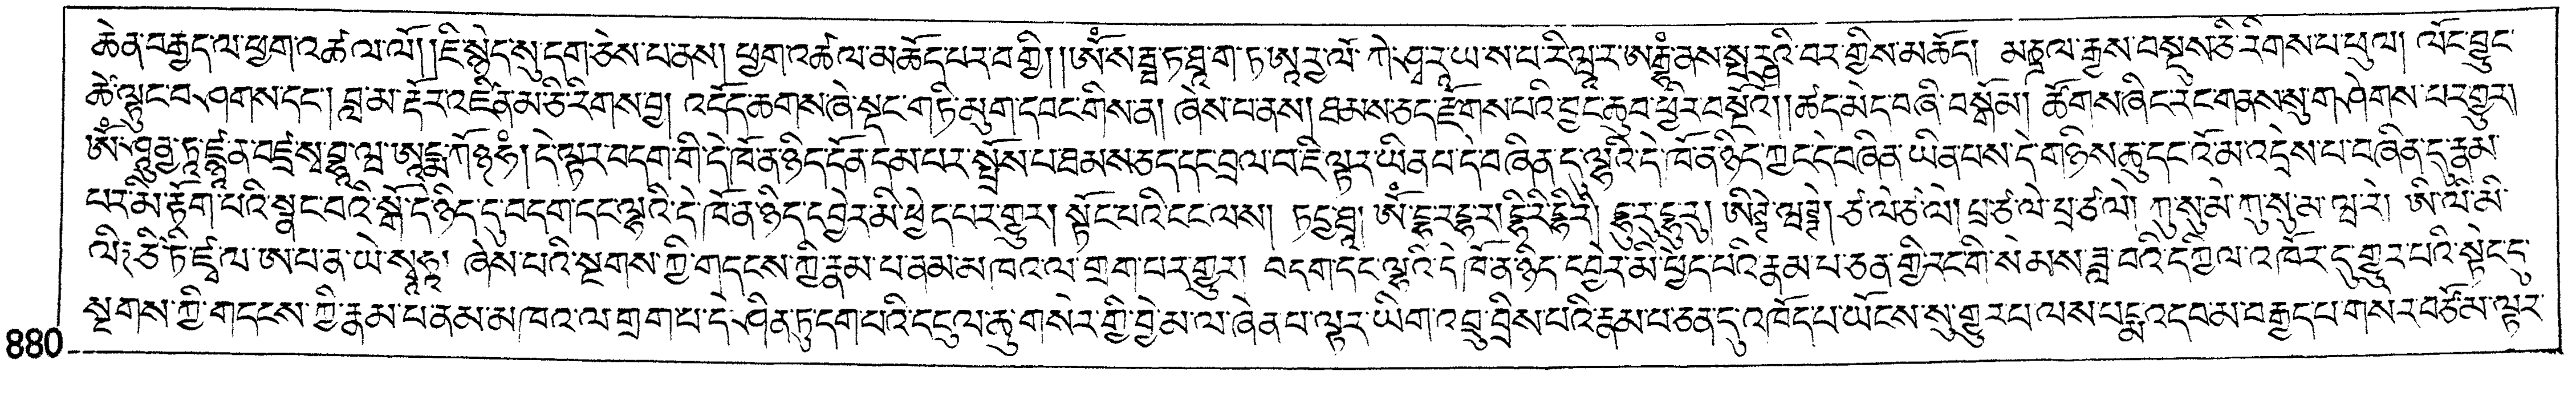ཆེན་བརྒྱད་ལ་ཕྱག་འཚལ་ལོ། །ཇི་སྙེད་སུ་དག་ཅེས་པ་ནས། ཕྱག་འཚལ་མཆོད་པར་བགྱི། །ཨོཾ་སརྦྦ་ཏ་ཐཱ་ག་ཏ་ཨཱརྱ་ལོ་ཀེ་ཤྭ་རཱ་ཡ་ས་པ་རི་ཝཱ་ར་ཨརྒྷཾ་ནས་སྤརྴའི་བར་གྱིས་མཆོད། མཎྜལ་རྒྱས་བསྡུས་ཅི་རིགས་པ་ཕུལ། ལོང་བྱུང་
ཚེ་ལྟུང་བཤགས་དང་། བླ་མ་རྡོར་འཛིན་མ་ཅི་རིགས་བྱ། འདོད་ཆགས་ཞེ་སྡང་གཏི་མུག་དབང་གིས་ན། ཞེས་པ་ནས། ཐམས་ཅད་རྫོགས་པའི་བྱང་ཆུབ་ཕྱིར་བསྔོའོ། །ཚད་མེད་བཞི་བསྒོམ། ཚོགས་ཞིང་རང་གནས་སུ་གཤེགས་པར་གྱུར།
ཨོཾ་ཤཱུནྱ་ཏཱ་ཛྙཱ་ན་བཛྲ་སྭ་བྷཱ་ཝ་ཨཱདམ་ཀོཉཧཾ། དེ་ལྟར་བདག་གི་དེ་ཁོ་ན་ཉིད་དོན་དམ་པར་སྤྲོས་པ་ཐམས་ཅད་དང་བྲལ་བ་ཇི་ལྟར་ཡིན་པ་དེ་བཞིན་དུ་ལྷའི་དེ་ཁོ་ན་ཉིད་ཀྱང་དེ་བཞིན་ཡིན་པས་དེ་གཉིས་ཆུ་དང་འོ་མ་འདྲེས་པ་བཞིན་དུ་རྣམ་
པར་མི་རྟོག་པའི་སྣང་བའི་སྒོ་དེ་ཉིད་དུ་བདག་དང་ལྷའི་དེ་ཁོ་ན་ཉིད་དབྱེར་མི་ཕྱེད་པར་གྱུར། སྟོང་པའི་ངང་ལས། ཏདྱ་ཐཱ། ཨོཾ་དྷ་ར་དྷ་ར། དྷི་རི་དྷི་རི། དྷུ་རུ་དྷུ་རུ། ཨིཊྚེ་ཝཊྚེ། ཙ་ལེ་ཙ་ལེ། པྲ་ཙ་ལེ་པྲ་ཙ་ལེ། ཀུ་སུ་མེ་ཀུ་སུ་མ་ཝ་རེ། ཨི་ལི་མི་
ལི༑ ཙི་ཏི་ཛྭ་ལ་ཨ་པ་ན་ཡེ་སྭཱཧཱ། ཞེས་པའི་སྔགས་ཀྱི་གདངས་ཀྱི་རྣམ་པ་ནམ་མཁའ་ལ་གྲག་པར་གྱུར། བདག་དང་ལྷའི་དེ་ཁོ་ན་ཉིད་དབྱེར་མི་ཕྱེད་པའི་རྣམ་པ་ཅན་གྱི་རང་གི་སེམས་ཟླ་བའི་དཀྱིལ་འཁོར་དུ་གྱུར་པའི་སྟེང་དུ་
སྔགས་ཀྱི་གདངས་ཀྱི་རྣམ་པ་ནམ་མཁའ་ལ་གྲག་པ་དེ་ཤིན་ཏུ་དག་པའི་དངུལ་ཆུ་གསེར་གྱི་བྱེ་མ་ལ་ཞེན་པ་ལྟར་ཡིག་འབྲུ་བྲིས་པའི་རྣམ་པ་ཅན་དུ་འཁོད་པ་ཡོངས་སུ་གྱུར་པ་ལས་པདམ་འདབ་མ་བརྒྱད་པ་གསེར་བཙོམ་ལྟར་